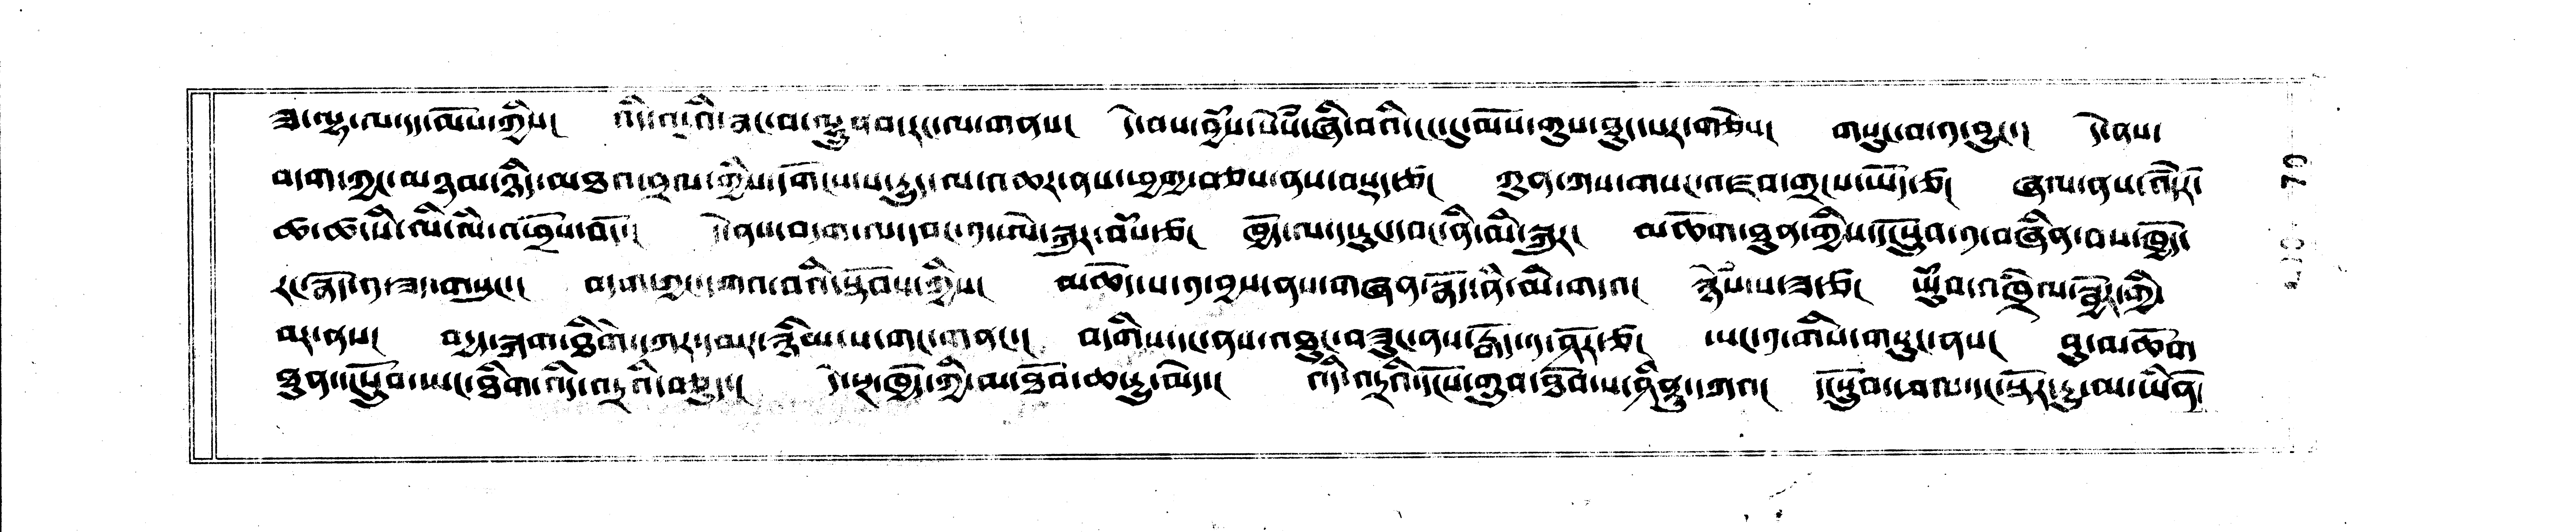ཟ་ལྷ་ལ་དད་མོས་གྱིས། འདི་འདྲའི་སྣང་བ་ལྷུན་གྲུབ་རང་ལ་གནས། དེ་བས་བྱམས་སེམས་ཞི་བའི་ངང་དུ་མོས་གུས་ཐུད་པར་གཅེས། གསུང་བ་གཅིག་བྱུང་། དེ་ནས་
བདག་ཀྱང་མཉམ་ཉིད་མཐའ་བྲལ་གྱི་དགོངས་པ་རྒྱུད་ལ་འཆར་ནས་ཕྱག་རྒྱ་བཅས་ནས་བསྡད་ཙ། ཀུན་ཀས་གསང་འཛབ་གྲངས་ཡོད་ཙ། ཞལ་ནས་འོད་ཟེར་
ཚ་ཚ་སི་ལི་ལི་འཕྲོས་བདོ། དེ་ནས་བདག་ལ་དབང་གཅིག་ཨེ་བསྐུར་བསམ་ཙ། ཁྱོད་ལ་ད་རུང་དབང་ནི་མི་བསྐུར། མཆོག་ཐུན་གྱི་དངོས་གྲུབ་གཅིག་བཞིན་བས་ཁྱོད་
རང་སྣོད་གཅིག་ཟེད་གསུང་། བདག་ཀྱང་དགའ་བའི་སྟོབས་ཀྱིས། མཆོད་པ་གཅིག་བྱས་ནས་གཞན་སྣོད་ནི་མི་གདའ། སྙེམས་པ་ཟ་ཙ། ཡབ་ཡུམ་འཁྲིལ་སྦྱོར་གྱི་
བར་ནས། བརྒྱད་སྐག་ཐིག་ལེ་དཀར་དམར་སྙིམ་པ་གང་གནང་། བདག་གིས་དང་ནས་འཐུང་བཟུང་ནས་རྒོད་ཅིག་ཤོར་ཙ། ཡང་གཅིག་གིས་གསུངས་ནས། བུ་མཆོག་
ཐུན་དངོས་གྲུབ་ཡང་ཐིག་འདི་འདྲའི་བཅུད། དེ་སྔ་ཁྱོད་ཀྱི་མ་ཐོབ་ཆ་རྒྱུ་མེད། འདི་འདྲའི་དངོས་གྲུབ་ཐོབ་པ་ཤིན་ཏུ་དཀའ། དངོས་གྲུབ་ཕལ་དང་སྟོར་རྒྱུ་མ་ཡིན་ནོ།